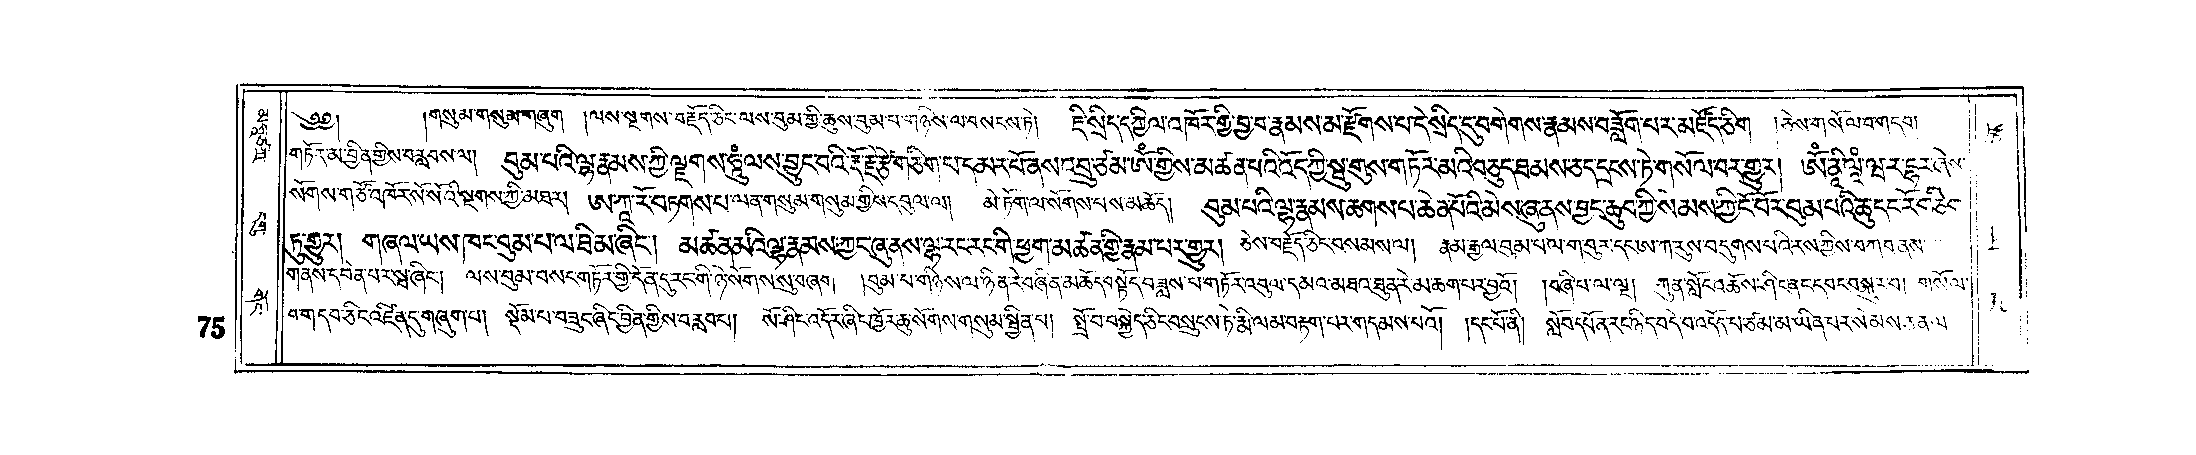༄༅། །གསུམ་གསུམ་གཞུག །ལས་སྔགས་བརྗོད་ཅིང་ལས་བུམ་གྱི་ཆུས་བུམ་པ་གཉིས་ལ་བསངས་ཏེ། ཇི་སྲིད་དཀྱིལ་འཁོར་གྱི་བྱ་བ་རྣམས་མ་རྫོགས་པ་དེ་སྲིད་དུ་བགེགས་རྣམས་བཟློག་པར་མཛོད་ཅིག །ཅེས་གསོལ་བ་གདབ།
གཏོར་མ་བྱིན་གྱིས་བརླབས་ལ། བུམ་པའི་ལྷ་རྣམས་ཀྱི་ལྗགས་ཧཱུཾ་ལས་བྱུང་བའི་རྡོ་རྗེ་རྩེ་གཅིག་པ་དམར་པོ་ནས་འབྲུ་ཙམ་ཨོཾ་གྱིས་མཚན་པའི་འོད་ཀྱི་སྦུ་གུས་གཏོར་མའི་བཅུད་ཐམས་ཅད་དྲངས་ཏེ་གསོལ་བར་གྱུར། ཨོཾ་ནཱི་ལཱཾ་ཝ་ར་དྷ་ར་ཞེས་
སོགས་གཙོ་འཁོར་སོ་སོའི་སྔགས་ཀྱི་མཐར། ཨ་ཀཱ་རོ་བཏགས་པ་ལན་གསུམ་གསུམ་གྱིས་དབུལ་ལ། མེ་ཏོག་ལ་སོགས་པས་མཆོད། བུམ་པའི་ལྷ་རྣམས་ཆགས་པ་ཆེན་པོའི་མེས་ཞུ་ནས་བྱང་ཆུབ་ཀྱི་སེམས་ཀྱི་ངོ་བོར་བུམ་པའི་ཆུ་དང་རོ་གཅིག་
ཏུ་གྱུར། གཞལ་ཡས་ཁང་བུམ་པ་ལ་ཐིམ་ཞིང་། མཚན་མའི་ལྷ་རྣམས་ཀྱང་ཞུ་ནས་ལྷ་རང་རང་གི་ཕྱག་མཚན་གྱི་རྣམ་པར་གྱུར། ཅེས་བརྗོད་ཅིང་བསམས་ལ། རྣམ་རྒྱལ་བུམ་པ་ལ་ག་བུར་དང་ཨ་ཀ་རུས་བདུགས་པའི་རས་ཀྱིས་བཀབ་ནས་
གནས་དབེན་པར་སྦ་ཞིང་། ལས་བུམ་བསང་གཏོར་གྱི་དོན་དུ་རང་གི་ཉེ་སོགས་སུ་བཞག །བུམ་པ་གཉིས་ལ་ཉིན་རེ་བཞིན་མཆོད་བསྟོད་བཟླས་པ་གཏོར་འབུལ་དམའ་མཐའ་ཐུན་རེ་མ་ཆག་པར་བྱའོ། །བཞི་པ་ལ་ལྔ། ཀུན་སློང་འཆོས་ཤིང་ནང་དབང་བསྐུར་བ། གསོལ་
བ་གདབ་ཅིང་འཛིན་དུ་གཞུག་པ། སྡོམ་པ་བཟུང་ཞིང་བྱིན་གྱིས་བརླབ་པ། སོ་ཤིང་འདོར་ཞིང་ཁྱོར་ཆུ་སོགས་གསུམ་སྦྱིན་པ། སྤྲོ་བ་བསྐྱེད་ཅིང་བསྲུངས་ཏེ་རྨི་ལམ་བརྟག་པར་གདམས་པའོ། །དང་པོ་ནི། སློབ་དཔོན་རང་ཉིད་བདེ་བ་འདོད་པ་ཙམ་མ་ཡིན་པར་སེམས་ཅན་ལ་